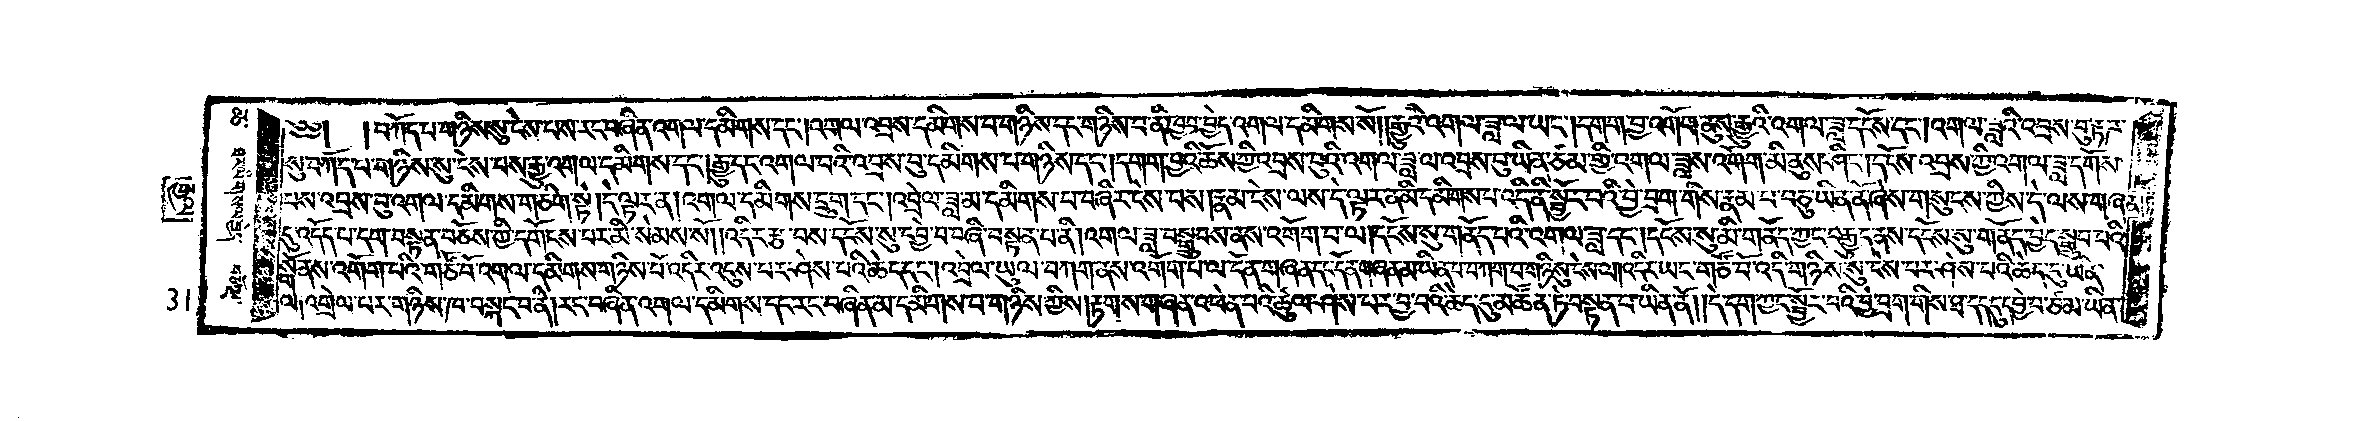༄༅། །བཀོད་པ་གཉིས་སུ་ངེས་པས་རང་བཞིན་འགལ་དམིགས་དང་། འགལ་འབྲས་དམིགས་པ་གཉིས་དང་གཉིས་པ་ནི་ཁྱབ་བྱེད་འགལ་དམིགས་སོ། །རྒྱུའི་འགལ་ཟླ་ལ་ཡང་། དགག་བྱ་འགོག་ནུས་རྒྱུའི་འགལ་ཟླ་དངོས་དང་། འགལ་ཟླའི་འབྲས་བུ་རྟཌ་?
སུ་བཀོད་པ་གཉིས་སུ་ངེས་པས་རྒྱུ་འགལ་དམིགས་དང་། རྒྱུ་དང་འགལ་བའི་འབྲས་བུ་དམིགས་པ་གཉིས་དང་། དགག་བྱའི་ཆོས་ཀྱི་འབྲས་བུའི་འགལ་ཟླ་ལ་འབྲས་བུ་ཡིན་ཙམ་གྱི་འགལ་ཟླས་འགོག་མི་ནུས་ཤིང་། དངོས་འབྲས་ཀྱི་འགལ་ཟླ་དགོས་
པས་འབྲས་བུ་འགལ་དམིགས་གཅིག་སྟེ། དེ་ལྟར་ན། འགལ་དམིགས་དྲུག་དང་། འབྲེལ་ཟླ་མ་དམིགས་པ་བཞིར་ངེས་པས། རྣམ་ངེས་ལས་དེ་ལྟར་ན་མི་དམིགས་པ་འདི་ནི་སྦྱོར་བའི་བྱེ་བྲག་གིས་རྣམ་པ་བཅུ་ཡིན་ནོ་ཞེས་གསུངས་ཀྱིས་དེ་ལས་གཞན་
དུ་འདོད་པ་དག་བསྟན་བཅོས་ཀྱི་དགོངས་པར་མི་སེམས་སོ། །འདིར་རྩ་བས་དངོས་སུ་དབྱེ་བ་བཞི་བསྟན་པ་ནི། འགལ་ཟླ་བསྒྲུབས་ནས་འགོག་པ་ལ། དངོས་སུ་གནོད་པའི་འགལ་ཟླ་དང་། དངོས་སུ་མི་གནོད་ཀྱང་བརྒྱུད་ནས་དངོས་སུ་གནོད་བྱེད་སྒྲུབ་པའི་
སྒོ་ནས་འགོག་པའི་གཙོ་བོ་འགལ་དམིགས་གཉིས་པོ་འདིར་འདུས་པར་ཤེས་པའི་ཆེད་དང་། འབྲེལ་ཡུལ་བཀག་ནས་འགོག་པ་ལ་དོན་གཞན་དང་དོན་གཞན་མ་ཡིན་པ་བཀག་པ་གཉིས་སུ་ངེས་ལ། འདིར་ཡང་གཙོ་བོ་འདི་གཉིས་སུ་ངེས་པར་ཤེས་པའི་ཆེད་དུ་ཡིན་
ལ། འགྲེལ་པར་གཉིས་ཁ་བསྐང་བ་ནི། རང་བཞིན་འགལ་དམིགས་དང་རང་བཞིན་མ་དམིགས་པ་གཉིས་ཀྱིས། རྟགས་གཞན་འཕེན་པའི་ཚུལ་ཤེས་པར་བྱ་བའི་ཆེད་དུ་མཚོན་ཏེ་བསྟན་པ་ཡིན་ནོ། །དེ་དག་ཀྱང་སྦྱོར་བའི་བྱེ་བྲག་གིས་ཐ་དད་དུ་དབྱེ་བ་ཙམ་ཡིན་